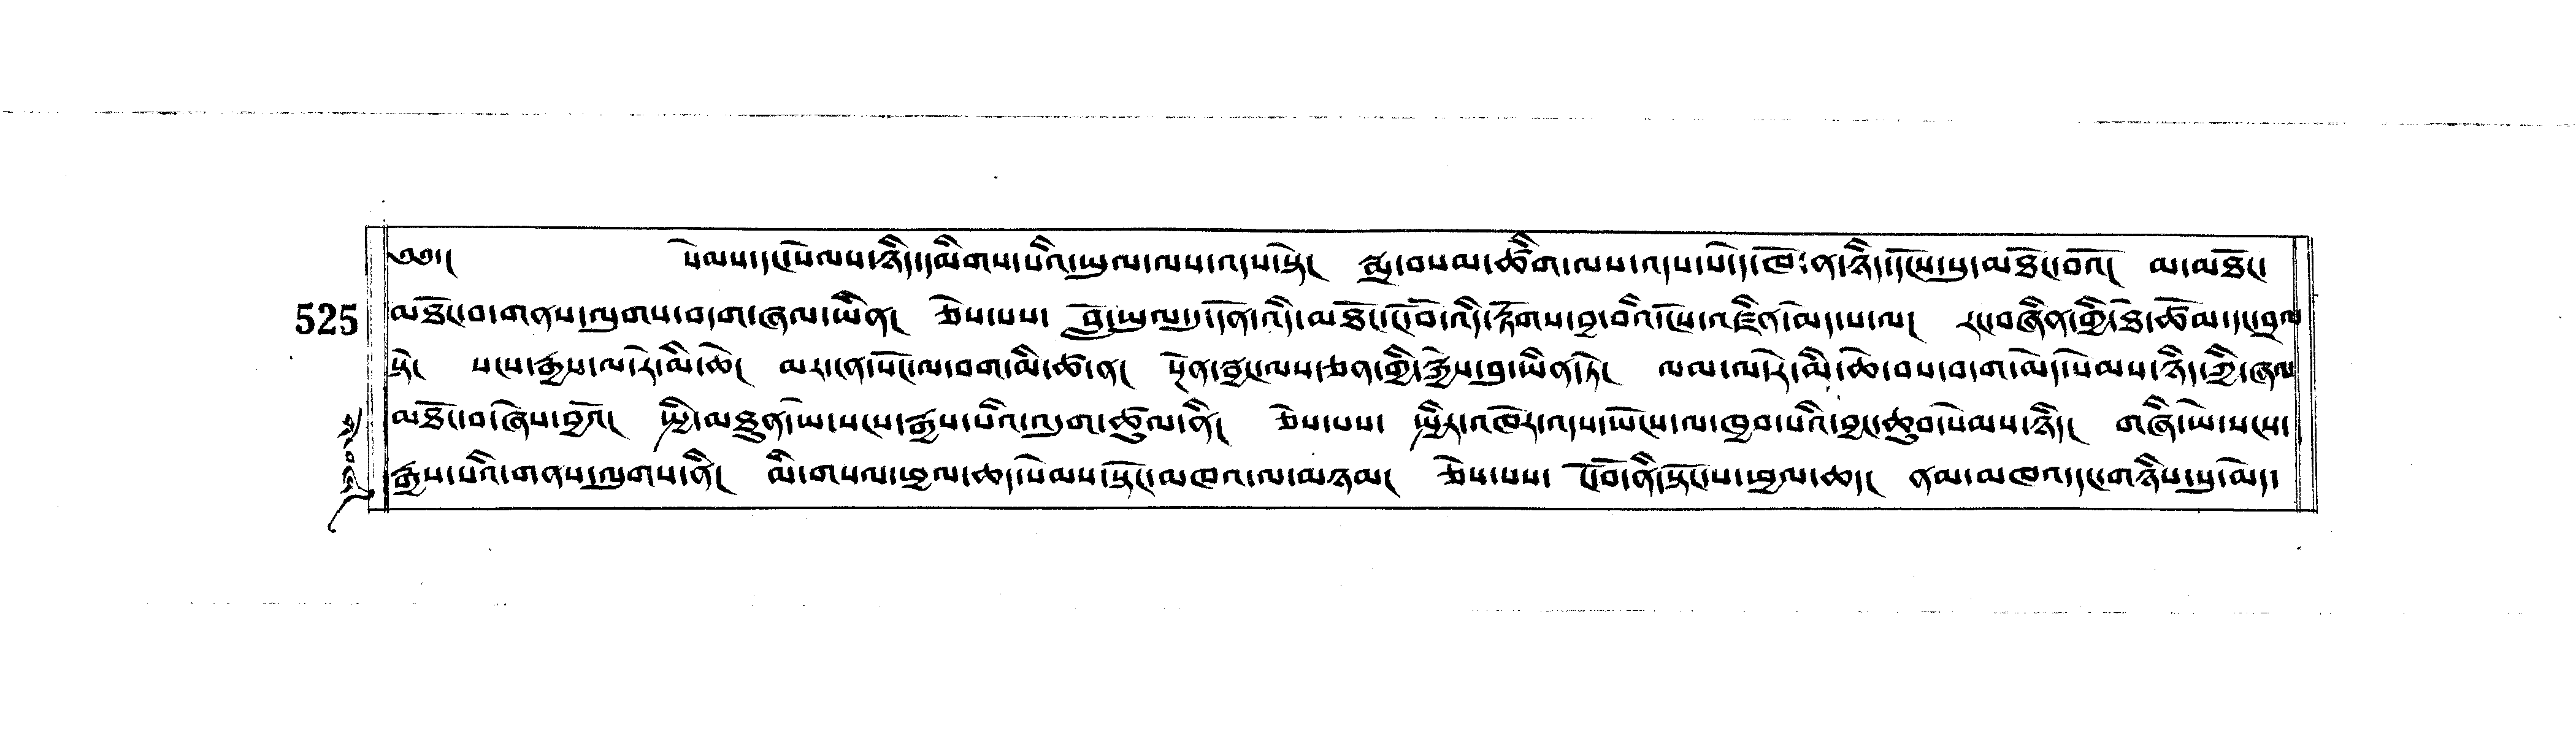སེམས་དང་སེམས་ཉིད་དམིགས་པའི་ཡུལ་ལས་འདས་ཏེ། སྨྲ་བསམ་ཚིག་ལས་འདས་པ་དེ་ཁོ་ན་ཉིད་དངོས་སུ་མཐོང་བའོ། མ་མཐོང་
མཐོང་བ་གནས་ལུགས་བདག་ཞལ་ཡིན། ཅེས་པས། བློ་ཡུལ་དུ་དོན་འདི་མཐོང་ངོ་བོ་འདི་རྟོགས་བྱ་བའི་ངོས་འཛིན་མེད་པ་ལ། རང་བཞིན་གྱི་ཐེ་ཚོམ་དང་བྲལ་
སྟེ། སངས་རྒྱས་ལ་རེ་མི་ཆེ། མར་ངན་སོང་ལ་བག་མི་ཚ་ན། སྔོན་སྦྱང་ལས་ཅན་གྱི་སྐྱེས་བུ་ཡིན་ཏེ། ལམ་ལ་རེ་མི་ཆེ་བས་བདག་མེད་སེམས་ཉིད་ཀྱི་ཞལ་
མཐོང་བ་ཞེས་བྱའོ། སྤྱི་མཐུན་ཡེ་སངས་རྒྱས་པའི་འདུག་ཚུལ་ནི། ཅེས་པས། སྤྱིར་འཁོར་འདས་ཡོངས་ལ་ཁྱབ་པའི་བྱང་ཆུབ་སེམས་ཉིད། གཞི་ཡེ་སངས་
རྒྱས་པའི་གནས་ལུགས་ནི། མི་གསལ་ཕྱལ་ཆད་སེམས་སྟོང་མཁའ་ལ་མཉམ། ཅེས་པས། ངོ་བོ་ནི་སྟོང་པ་ཕྱལ་ཆད། ནམ་མཁའ་དང་གཉིས་སུ་མེད་